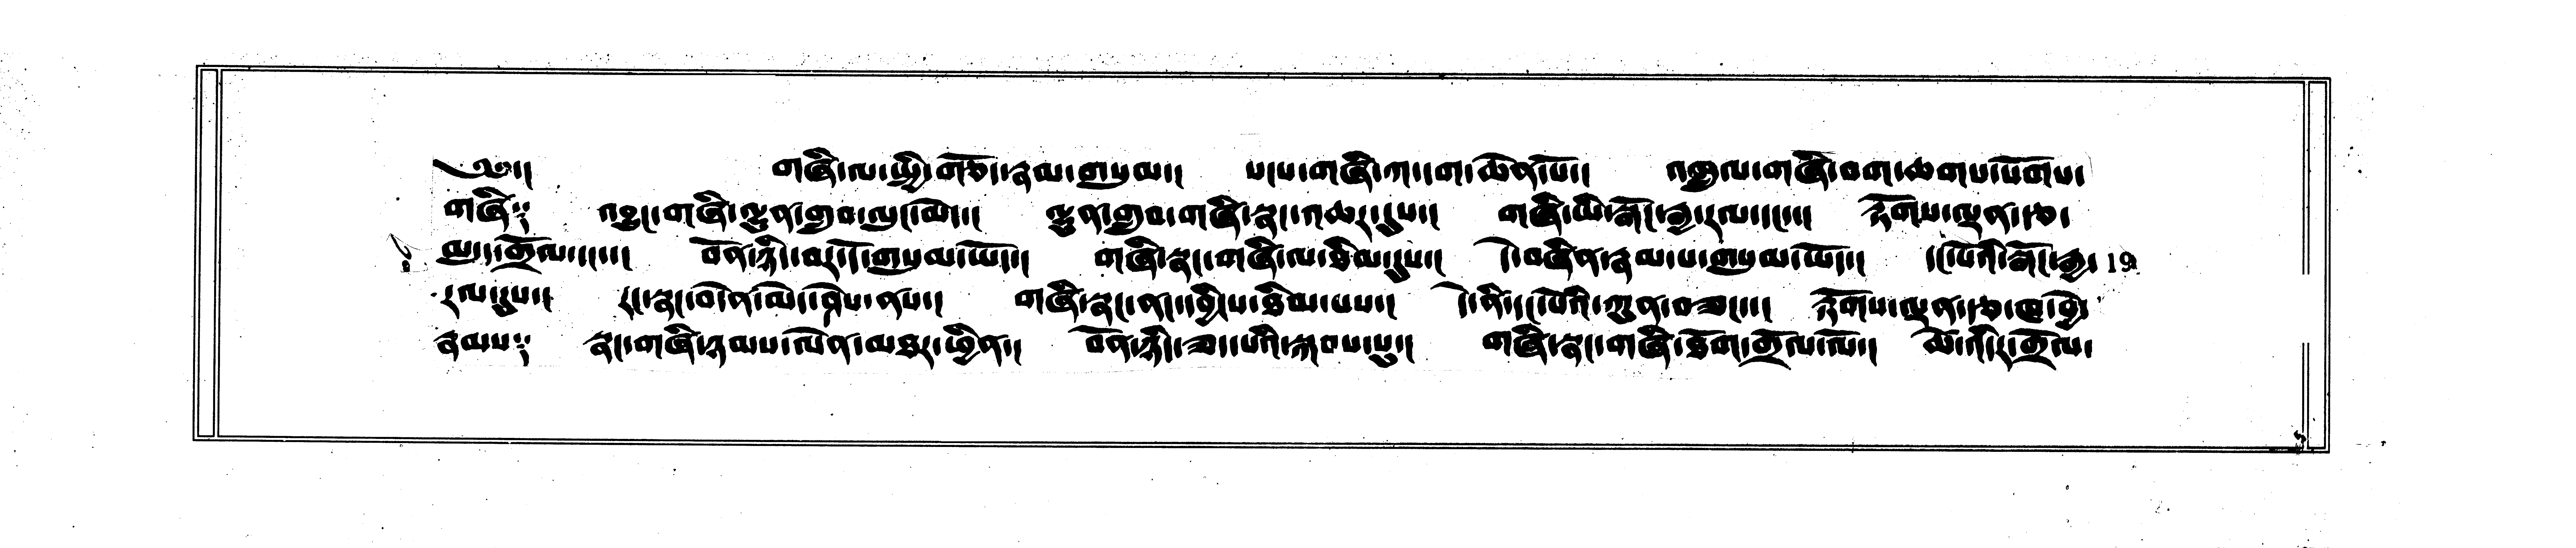གཞི་ལ་སྤྱི་གཅོད་རྣམ་གསུམ། །སངས་གཞི་ཀ་དག་ཆེན་པོ། །འཁྲུལ་གཞི་བག་ཆགས་སོག་
གཞི། །འབྱུང་གཞི་ལྷུན་གྲུབ་ལུང་མེད། །ལྷུན་གྲུབ་གཞི་སྣང་འཆར་དུས། །གཞི་ཡི་སྒོང་རྒྱ་རལ་དང་། །རྟོགས་ལྡན་རྩ་
མདུད་གྲོལ་དང་། །བོན་ཉིད་བར་དོ་གསུམ་ཡོད། །གཞི་སྣང་གཞི་ལ་ཐིམ་དུས། །དེ་བཞིན་རྣམ་པ་གསུམ་ཡོད། །དང་པོའི་སྒོང་རྒྱ་
རལ་དུས། །རང་སྣང་བདེན་མེད་ཤེས་ནས། །གཞི་སྣང་ནང་དབྱིངས་ཐིམ་པས། །དེ་ནི་དང་པོའི་ཀུན་བཟང་། །རྟོགས་ལྡན་རྩ་ཁ་བྱེ་
རྣམས། །སྣང་བཞི་ཉམས་ལེན་མཐར་ཕྱིན། །བོན་ཉིད་ཟད་པའི་སྐབས་སུ། །གཞི་སྣང་གཞི་ཐོག་གྲོལ་ལོ། །ཚེ་འདིར་གྲོལ་